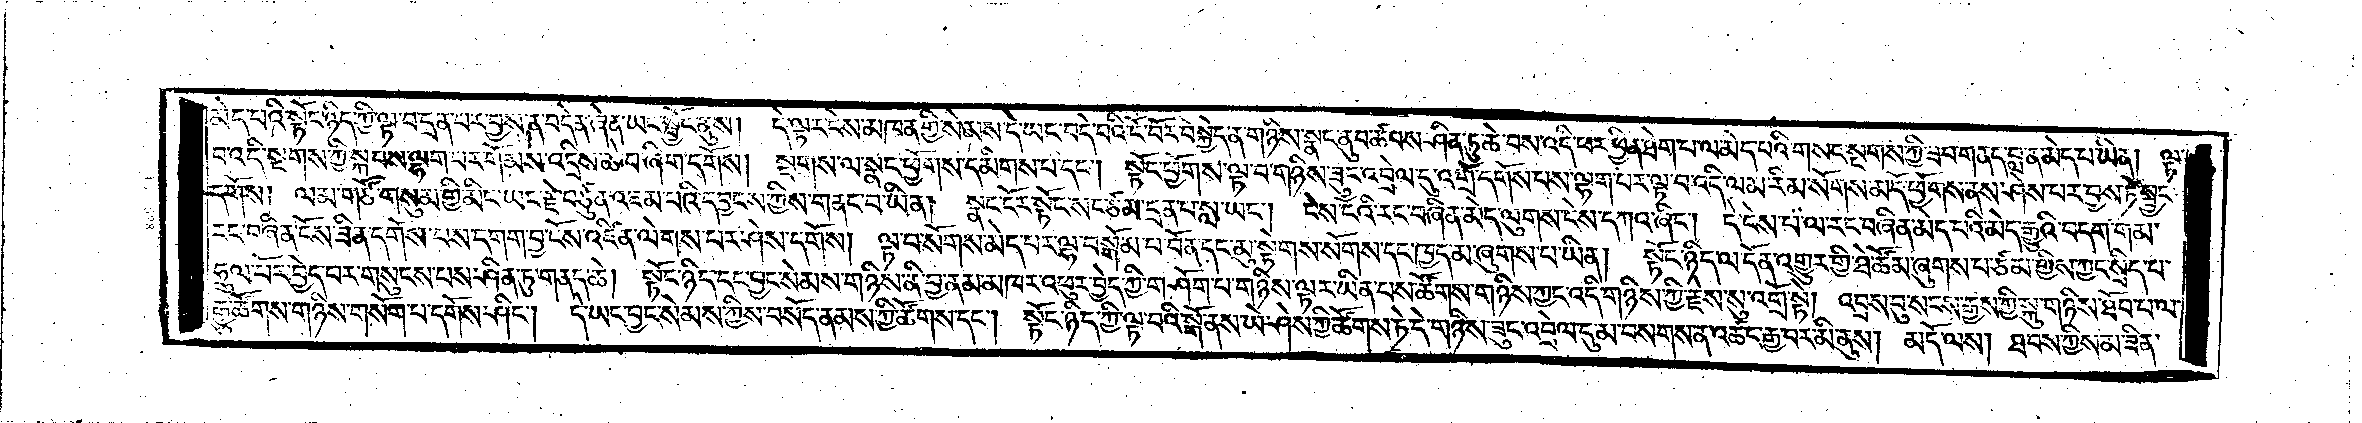མེད་པའི་སྟོང་ཉིད་ཀྱི་ལྟ་བ་དྲན་པར་བྱས་ན་བདེན་ཞེན་ཡང་སྦྱོང་ནུས། དེ་ལྟར་ངེས་མཁན་གྱི་སེམས་དེ་ཡང་བདེ་བའི་ངོ་བོར་བསྐྱེད་ན་གཉིས་སྣང་ནུབ་ཚབས་ཤིན་ཏུ་ཆེ་བས་འདི་ཕར་ཕྱིན་ཐེག་པ་ལ་མེད་པའི་གསང་སྔགས་ཀྱི་ཟབ་གནད་བླ་ན་མེད་པ་ཡིན། ལྟ་
བ་འདི་སྔགས་ཀྱི་སྐབས་ལྷག་པར་གོམས་འདྲིས་ཆེ་བ་ཞིག་དགོས། སྔགས་ལ་སྣང་ཕྱོགས་དམིགས་པ་དང་། སྟོང་ཕྱོགས་ལྟ་བ་གཉིས་ཟུང་འབྲེལ་དུ་འགྲོ་དགོས་པས་ལྷག་པར་ལྟ་བ་འདི་ལམ་རིམ་སོགས་མདོ་ཕྱོགས་ནས་ཤེས་པར་བྱས་ཏེ་སྦྱང་
དགོས། ལམ་གཙོ་གསུམ་གྱི་མིང་ཡང་རྗེ་བཙུན་འཇམ་པའི་དབྱངས་ཀྱིས་གནང་བ་ཡིན། སྣང་ངོར་སྟོང་སང་ཙམ་དྲན་པ་སླ་ཡང་། དེས་ངོའི་རང་བཞིན་མེད་ལུགས་ངེས་དཀའ་ཞིང་། དེ་ངེས་པ་ལ་རང་བཞིན་མེད་པའི་མེད་རྒྱུའི་བདག་གམ་
རང་བཞིན་ངོས་ཟིན་དགོས་པས་དགག་བྱ་ངོས་འཛིན་ལེགས་པར་ཤེས་དགོས། ལྟ་བ་སོགས་མེད་པར་ལྷ་བསྒོམ་པ་བོན་དང་མུ་སྟེགས་སོགས་དང་ཁྱད་མ་ཞུགས་པ་ཡིན། སྟོང་ཉིད་ལ་དོན་འགྱུར་གྱི་ཐེ་ཚོམ་ཞུགས་པ་ཙམ་གྱིས་ཀྱང་སྲིད་པ་
ཧྲུལ་པོར་བྱེད་པར་གསུངས་པས་ཤིན་ཏུ་གནད་ཆེ། སྟོང་ཉིད་དང་བྱང་སེམས་གཉིས་ནི་བྱ་ནམ་མཁར་འཕུར་བྱེད་ཀྱི་གཤོག་པ་གཉིས་ལྟར་ཡིན་པས་ཚོགས་གཉིས་ཀྱང་འདི་གཉིས་ཀྱི་རྗེས་སུ་འགྲོ་སྟེ། འབྲས་བུ་སངས་རྒྱས་ཀྱི་སྐུ་གཉིས་ཐོབ་པ་ལ་
རྒྱུ་ཚོགས་གཉིས་གསོག་པ་དགོས་ཤིང་། དེ་ཡང་བྱང་སེམས་ཀྱིས་བསོད་ནམས་ཀྱི་ཚོགས་དང་། སྟོང་ཉིད་ཀྱི་ལྟ་བའི་སྒོ་ནས་ཡེ་ཤེས་ཀྱི་ཚོགས་ཏེ་དེ་གཉིས་ཟུང་འབྲེལ་དུ་མ་བསགས་ན་འཚང་རྒྱ་བར་མི་ནུས། མདོ་ལས། ཐབས་ཀྱིས་མ་ཟིན་